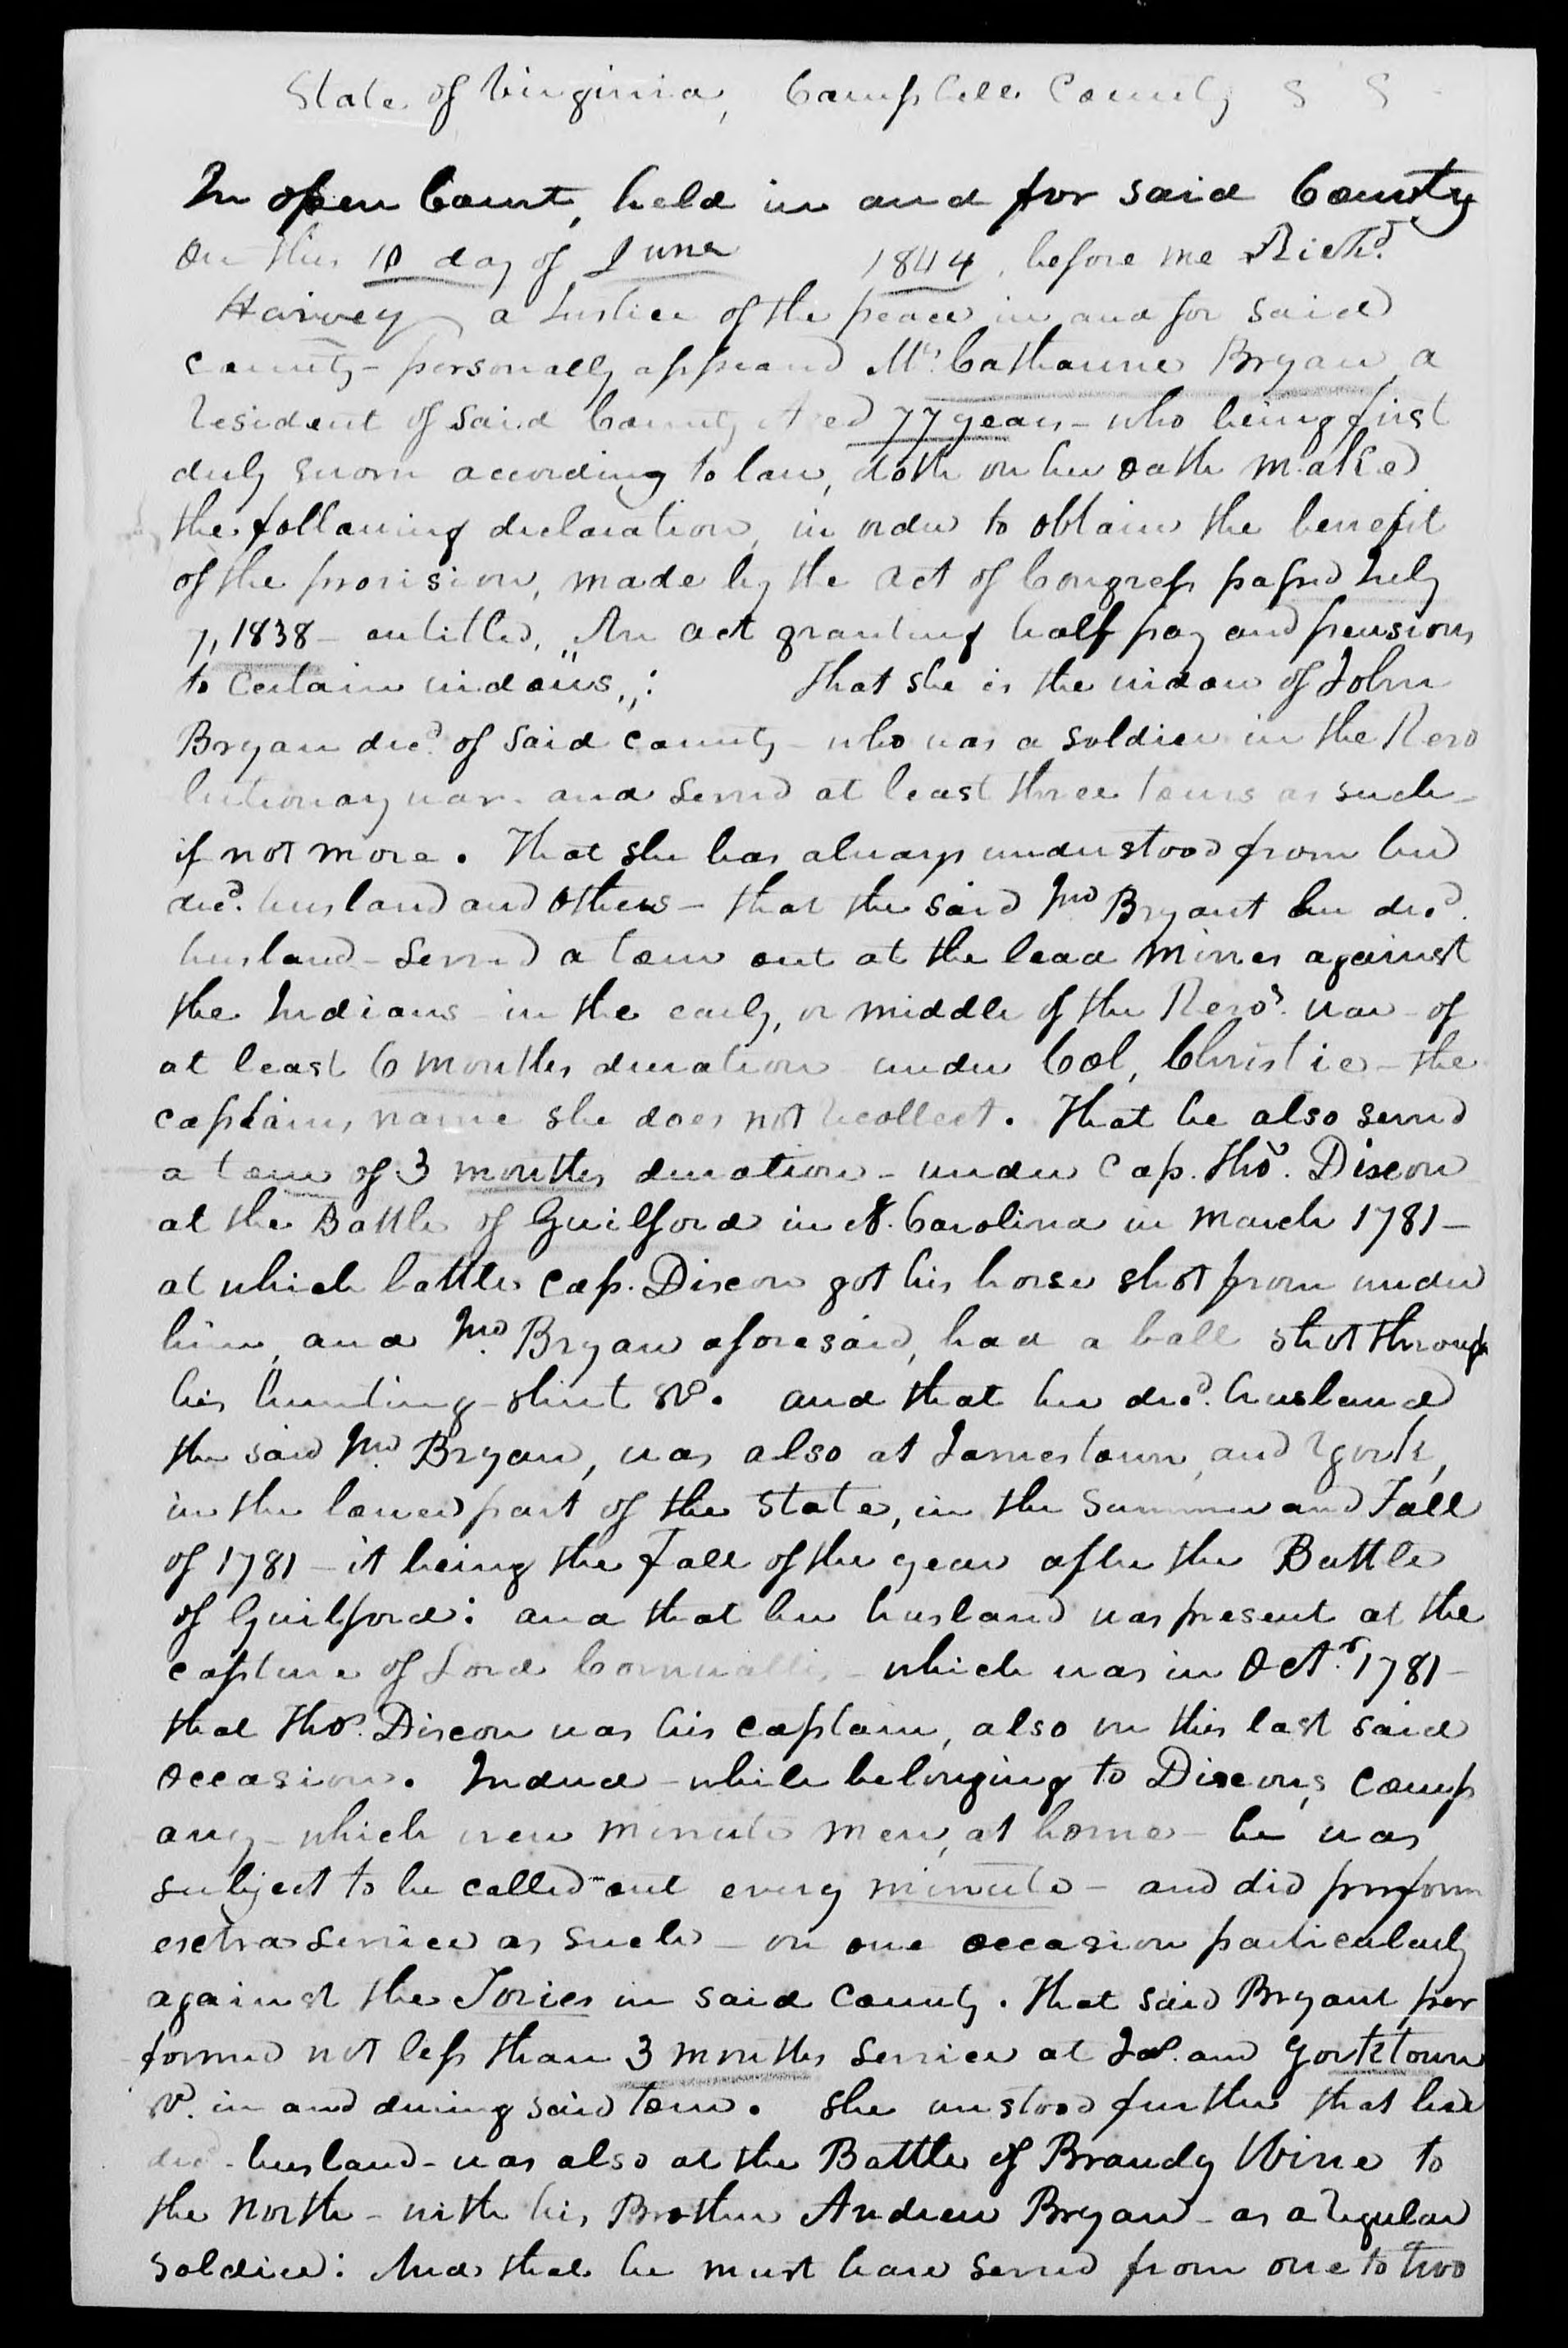State of Virginia, Campbell County

In open court, held in and for said County On this 10 day of June 1844 before me Richd Harvey a Justice of the peace in and for said county – personally appeared Ms. Catharine Bryan a resident of said county, aged 77 years, who being first duly sworn according to law, doth on her oath make the following declaration in order to obtain the benefit of the provisions made by the act of Congress passed July 7, 1838 – entitled, "An act granting half pay and pensions to certain widows"; that she is the widow of John Bryan who died of said county, who was a soldier in the Revolutionary war and served at least three tours as such if not more. That she has always understood from her husband and others that the said John Bryan, at the beginning of the war, served a tour out at the lead mines against the Indians in the early, or middle of the Revolution, of at least 6 months duration under Col. Christie (the captain's name she does not recollect). That he also served a tour of 3 months duration under Capt. Thos Dixon at the Battle of Guilford in North Carolina in March 1781 – at which battle Capt. Dixon got his horse shot from under him and Mr. Bryan aforesaid, had a ball shot through his clothing. And that her deceased husband, the said John Bryan, was also at Jamestown and Yorktown in the lower parts of the state, in the Summer and Fall of 1781 – it being the fall of the year after the Battle of Guilford: and that her husband was present at the capture of Lord Cornwallis, which was in October 1781 – that Thos Dixon was his captain also in this last tour of service. Moreover, while belonging to Dixon's company, which were minute men at home, he was subject to be called out at every minute – and did perform extra services as such on one occasion particularly against the Tories in said county. That said Bryan performed not less than 3 months service at Jamestown and Yorktown in and during said tours. She underscores further that her husband was also at the Battle of Brandywine to the north – with his brother Andrew Bryan – as a regular soldier: And that he must have served from one to two...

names: Christie, Jno Bryan, Bryant, Jno Bryan, Catharine Bryan, Dixon, Cornwallis, Thos Dixon, Richd Harvey, Andrew Bryan, John Bryan, Jno Bryant, Thos Dixon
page: 4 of 31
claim: widow's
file: W. 3759, John Bryan, Va.